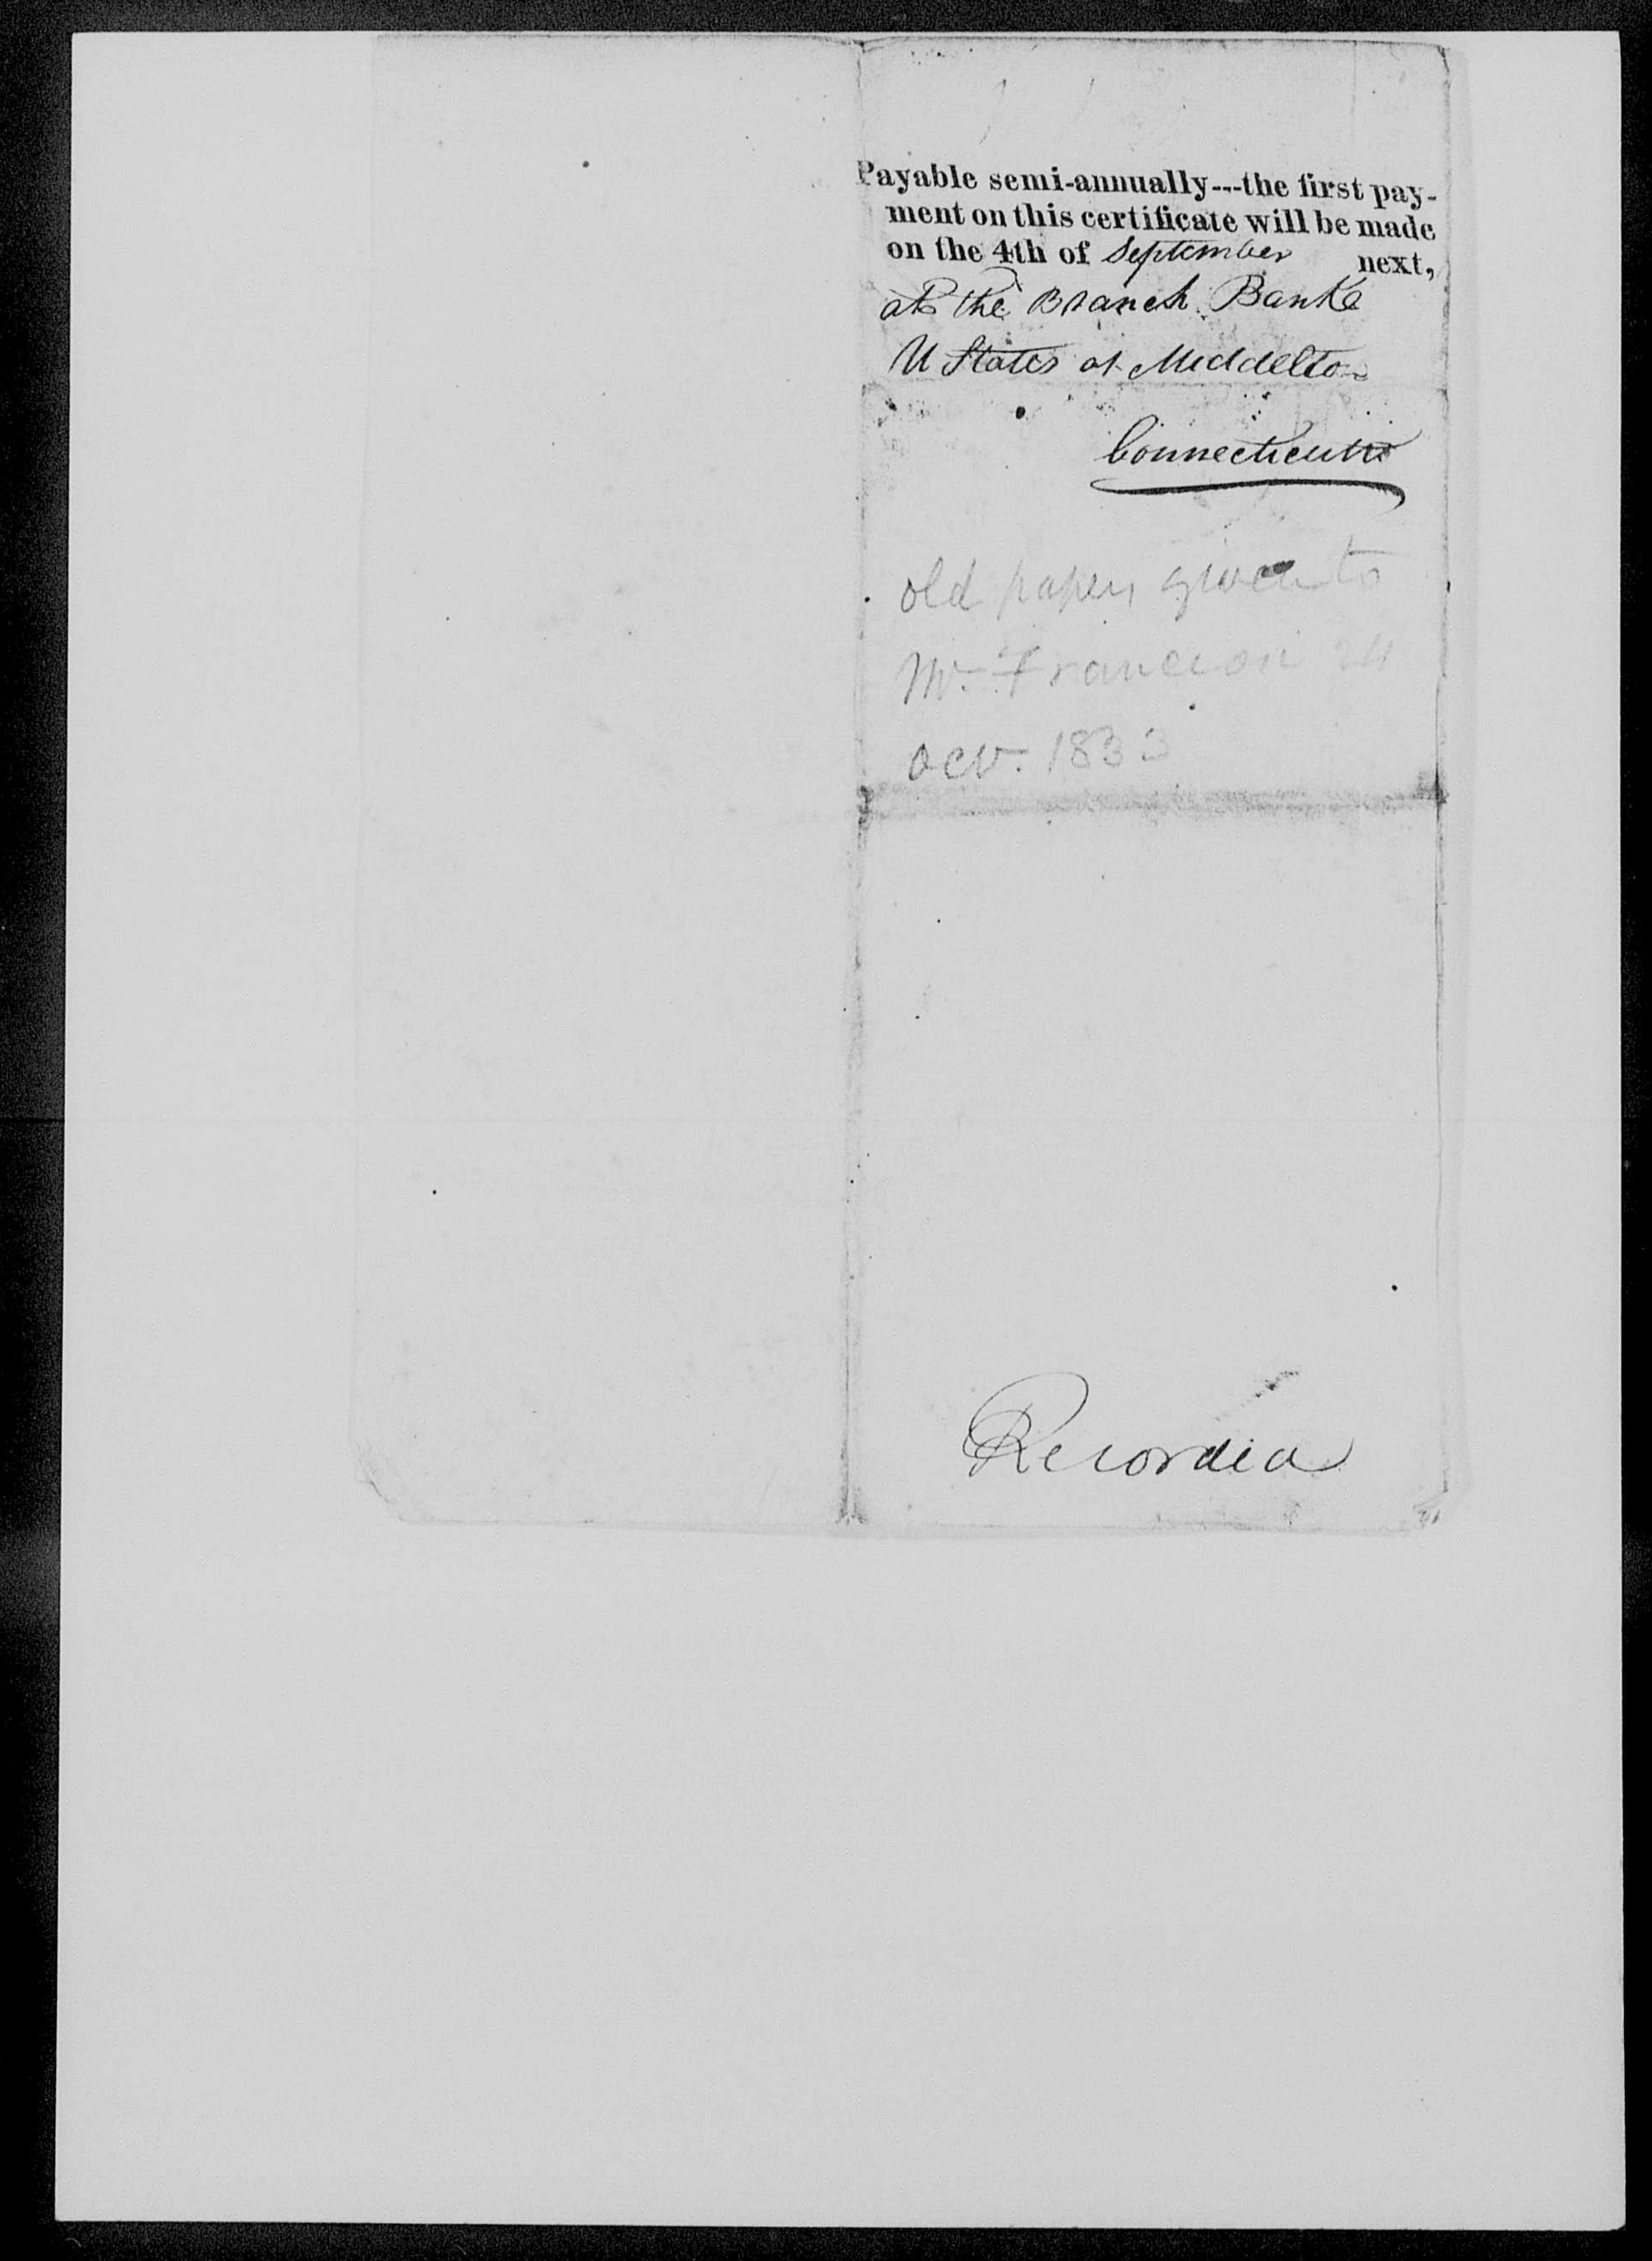Payable semi-annually---the first payment on this certificate will be made on the 4th of September next, at the Branch Bank U States at Middleton
Connecticut
old papers given to W. Franciosi 24 Oct. 1833




Recorded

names: Franciosi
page: 36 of 61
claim: widow's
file: W. 29,929, Hezekiah Betts, Conn.